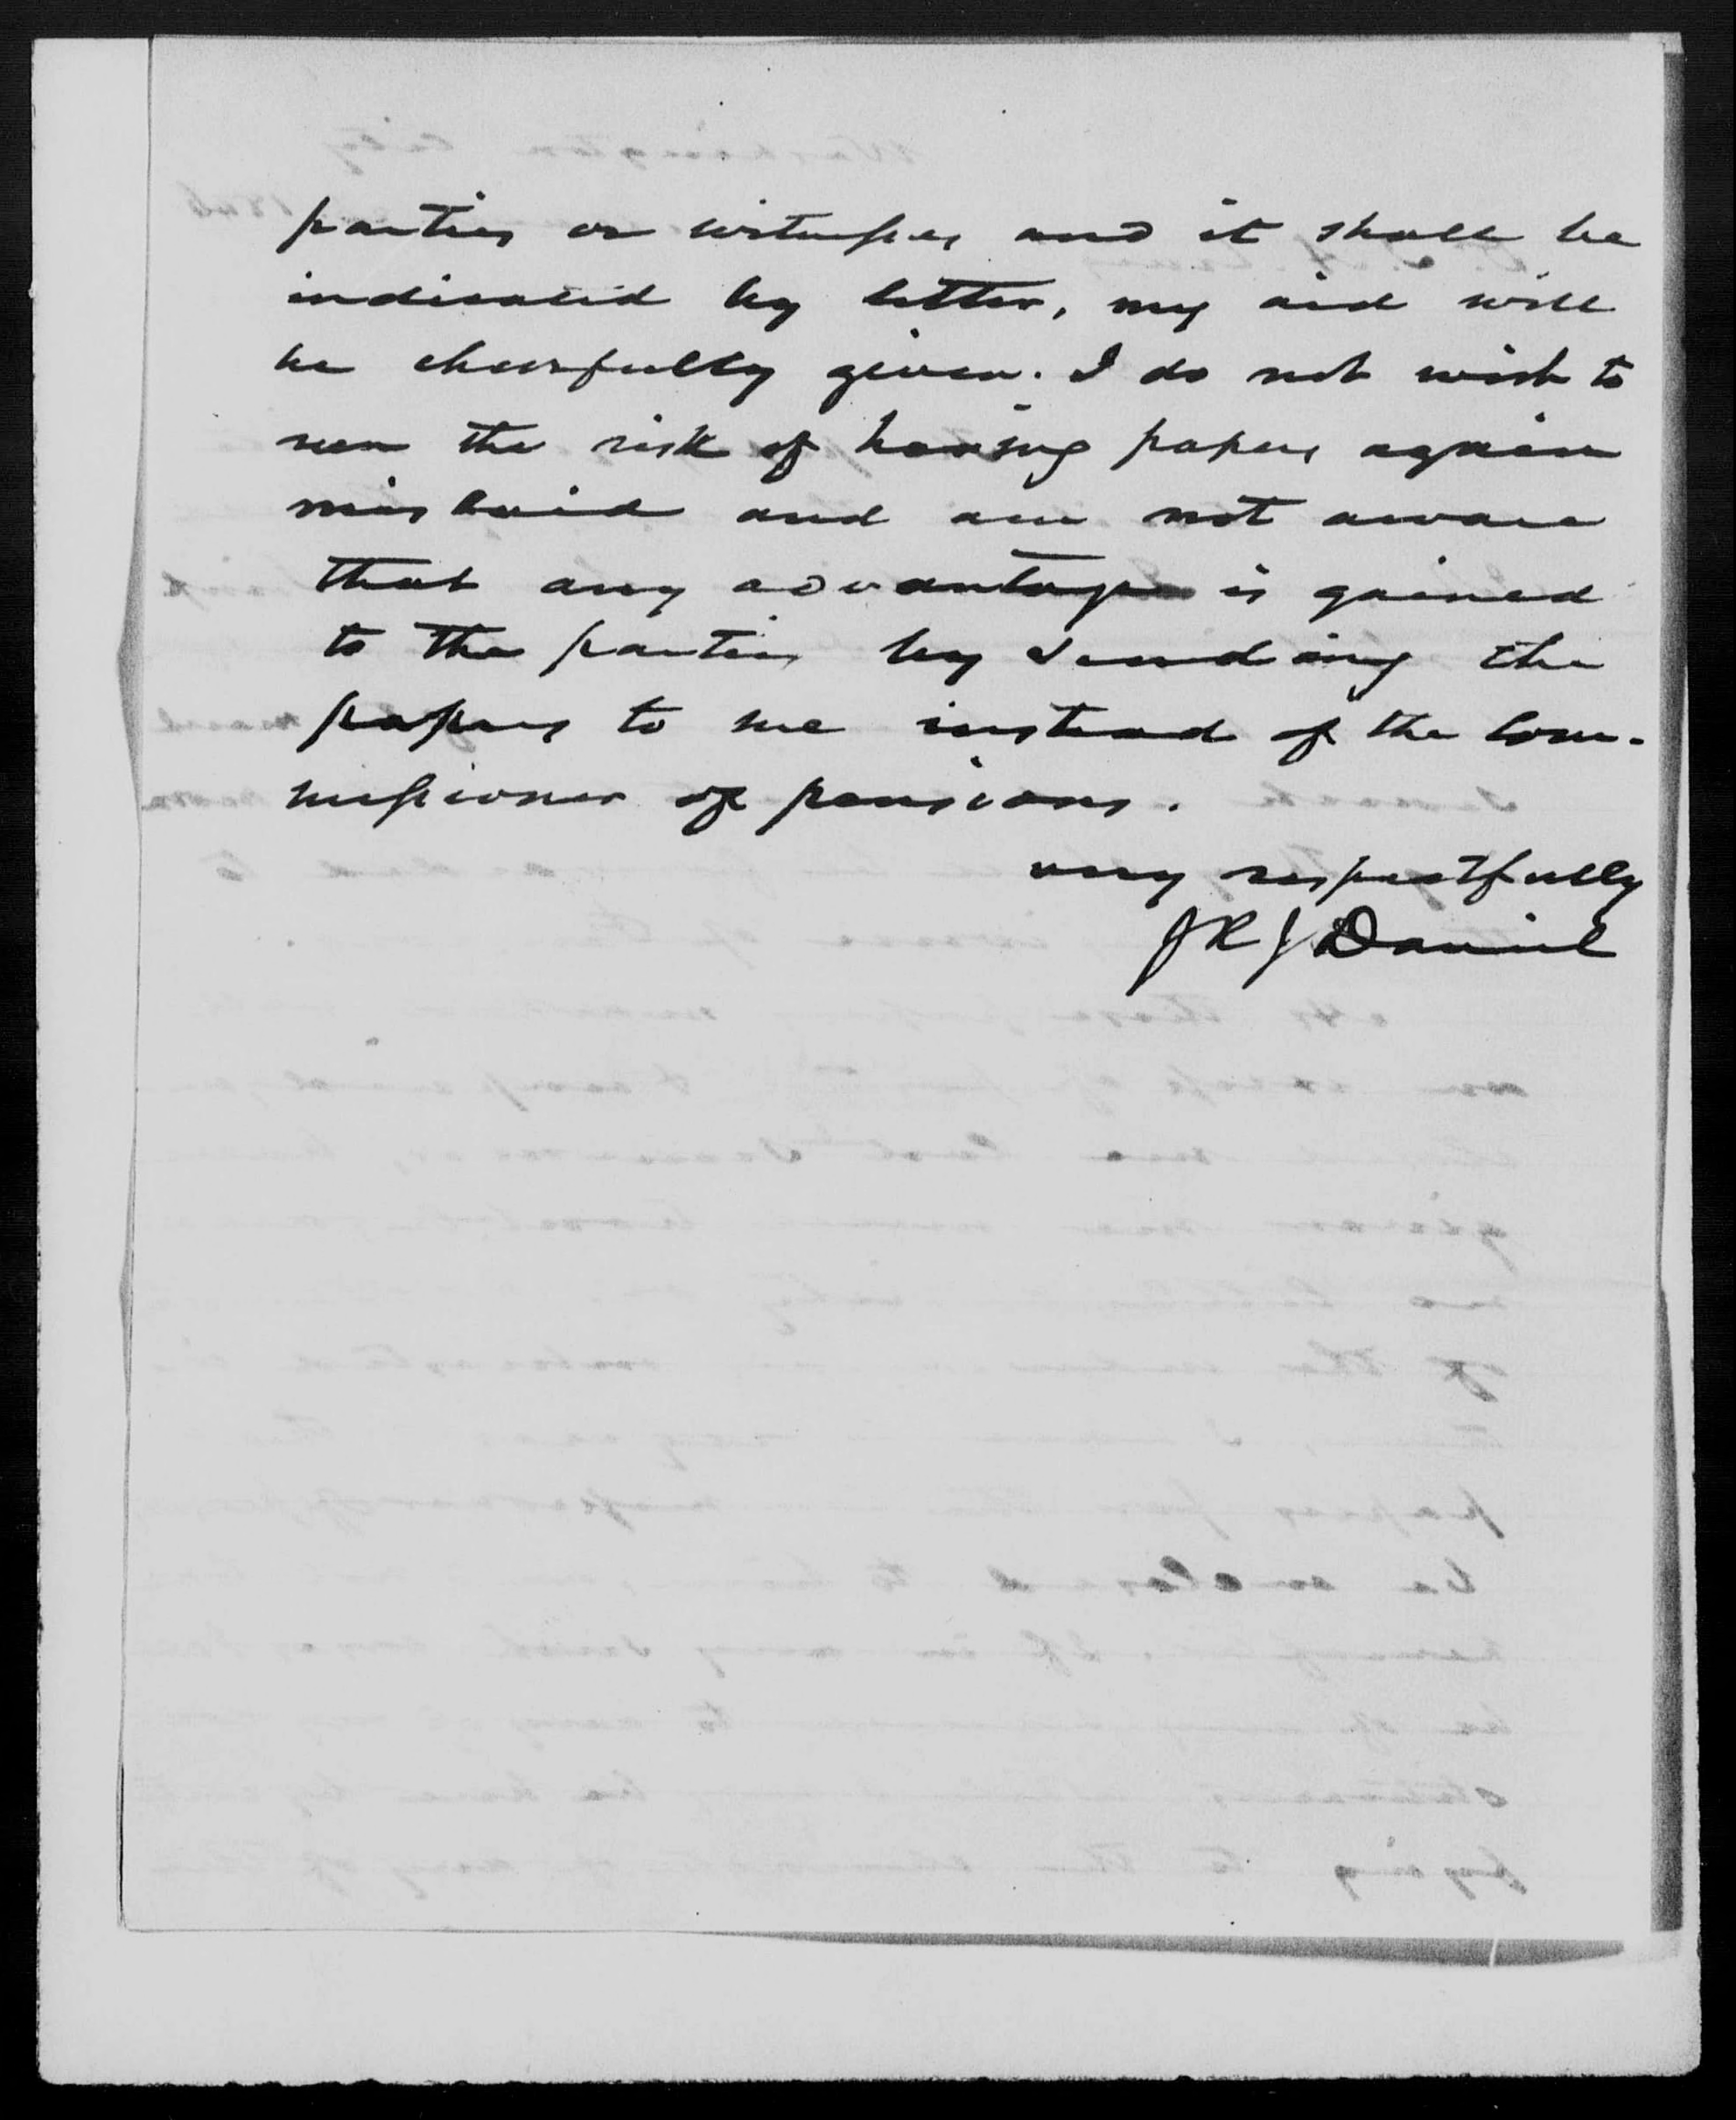parties or witnesses and it should be indicated by letters, my aid will be cheerfully given.  I do not wish to run the risk of having papers again mislaid and are not aware that any advantage is gained to the parties by sending the papers to me instead of the Commissioner of Pensions.
very respectfully yours 
JRJ David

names: J R J Daniel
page: 25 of 33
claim: rejected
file: R. 155, David Allison, N.C.